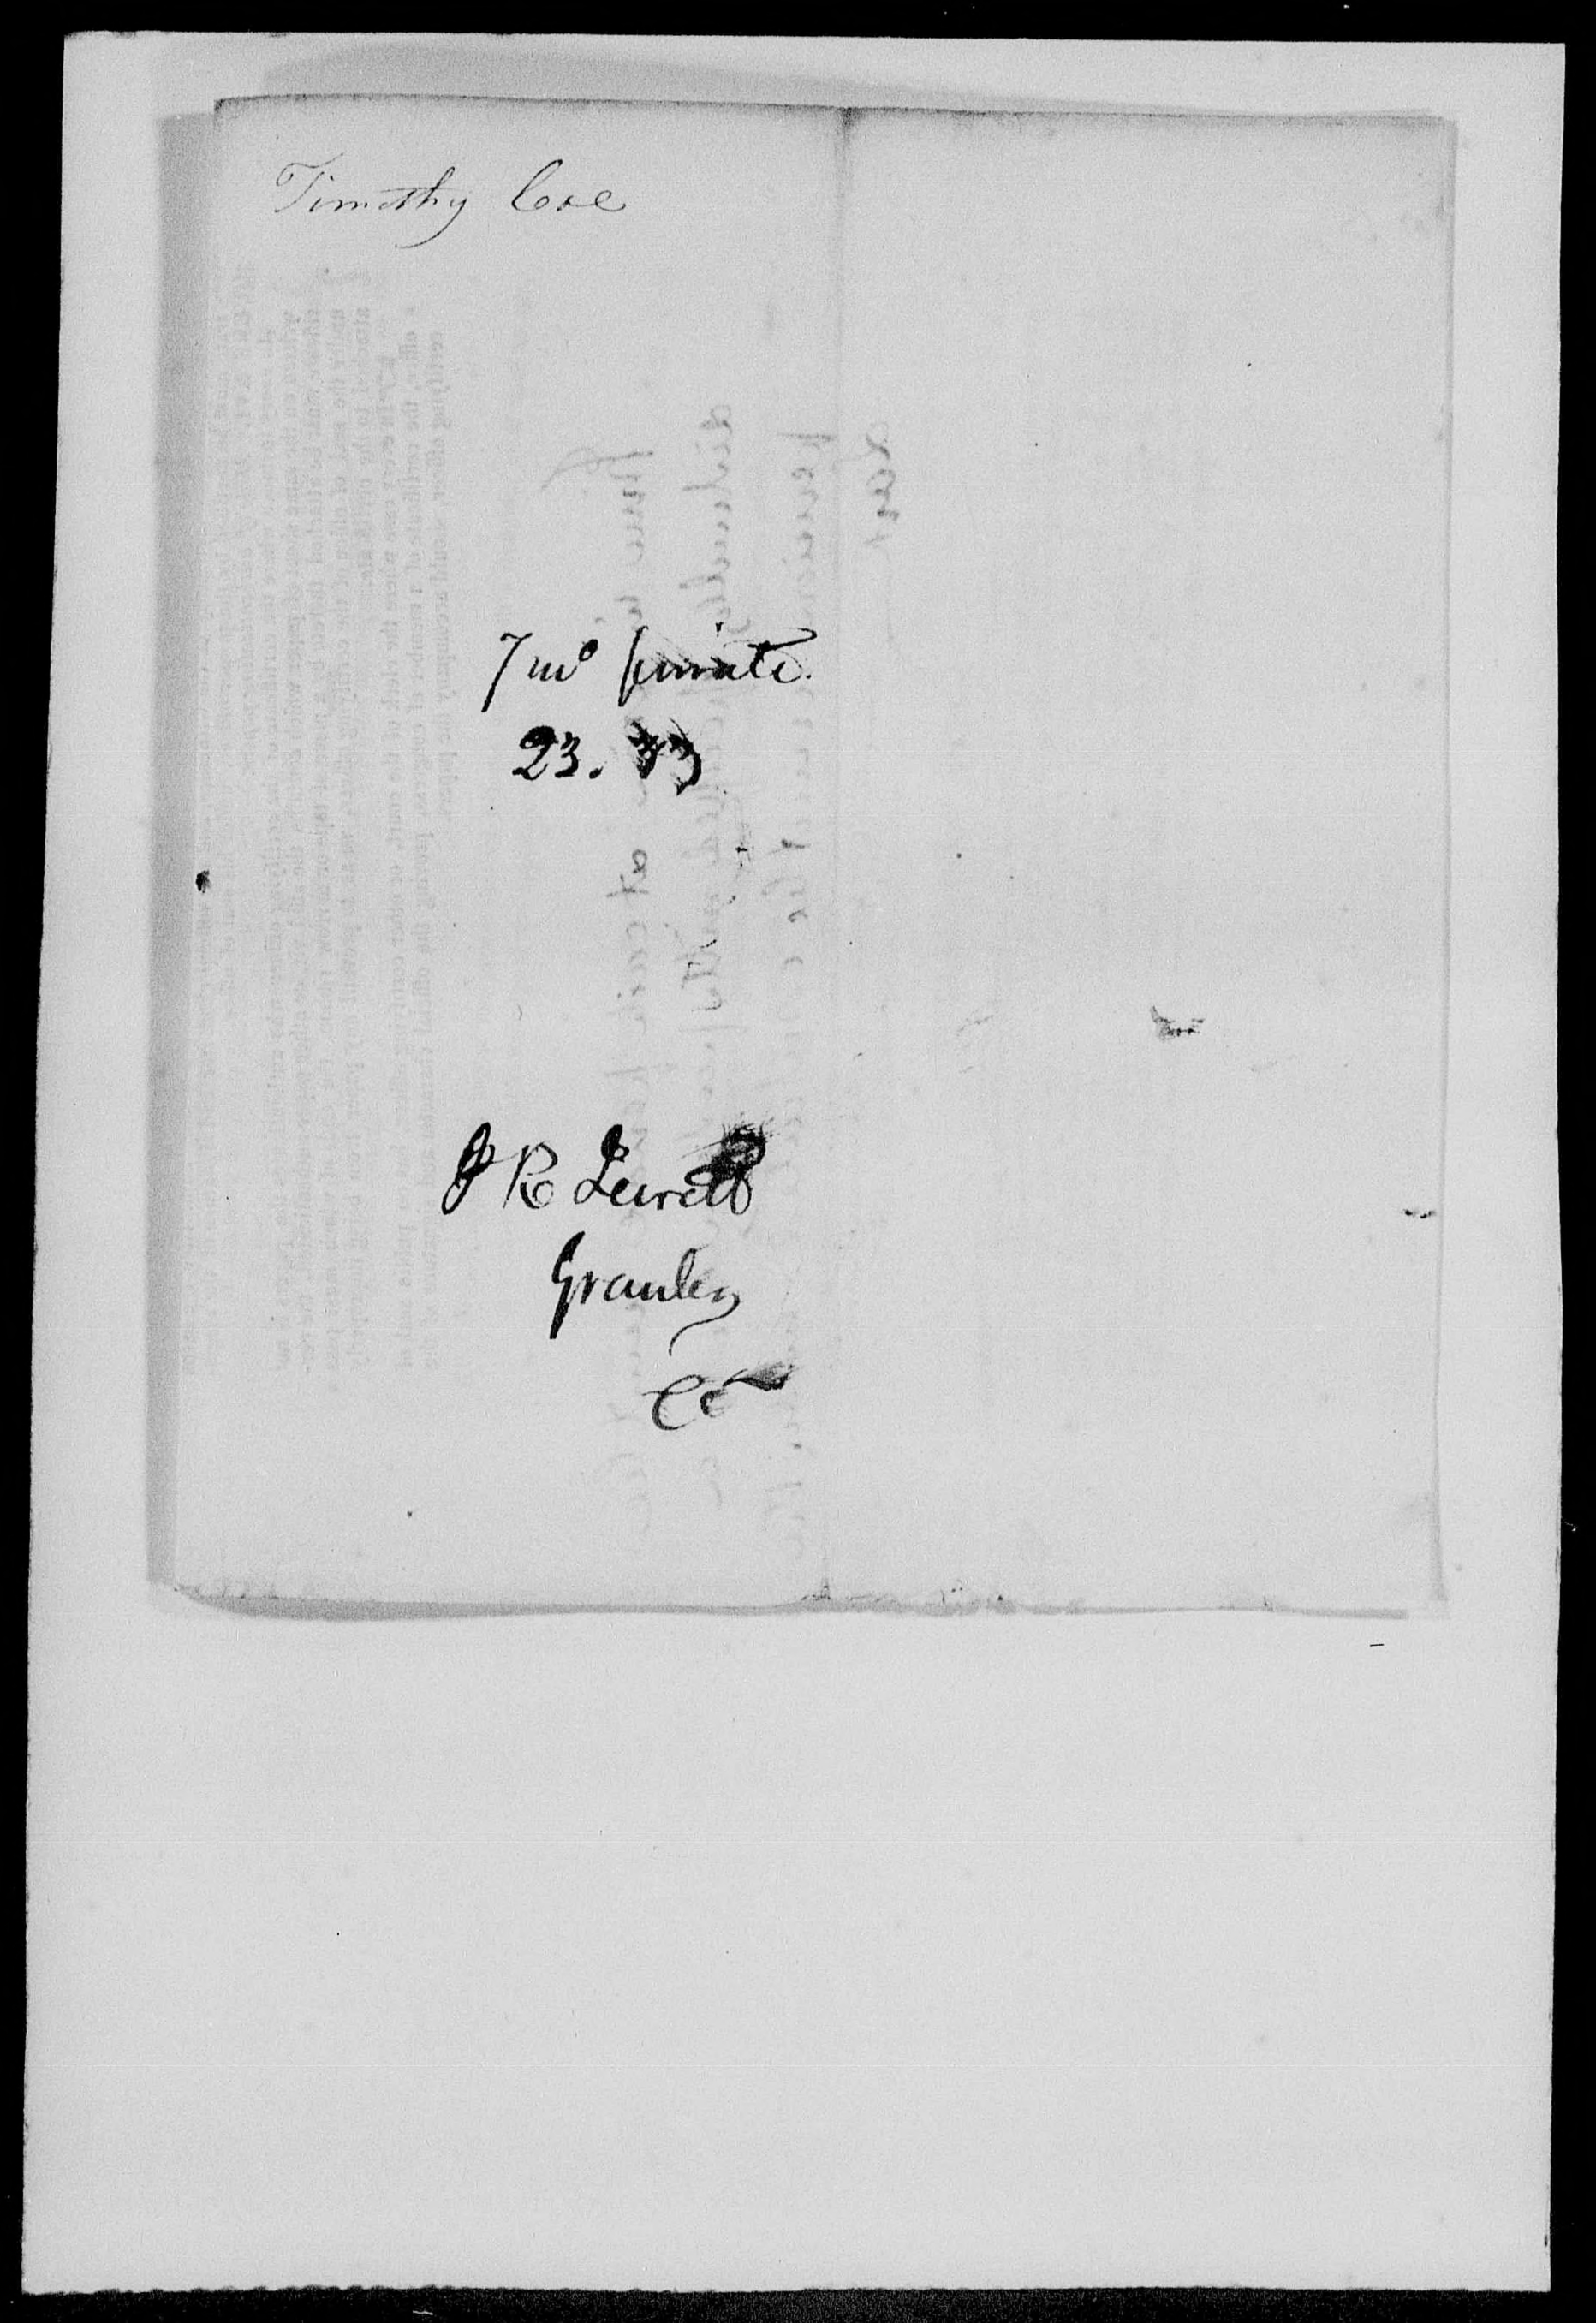Timothy Coe

7 mos private
23.33


J R Jewett
Granby
Ct.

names: J R Jewett, Timothy Coe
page: 47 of 76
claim: widow's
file: W. 5,250, Timothy Coe, Conn.